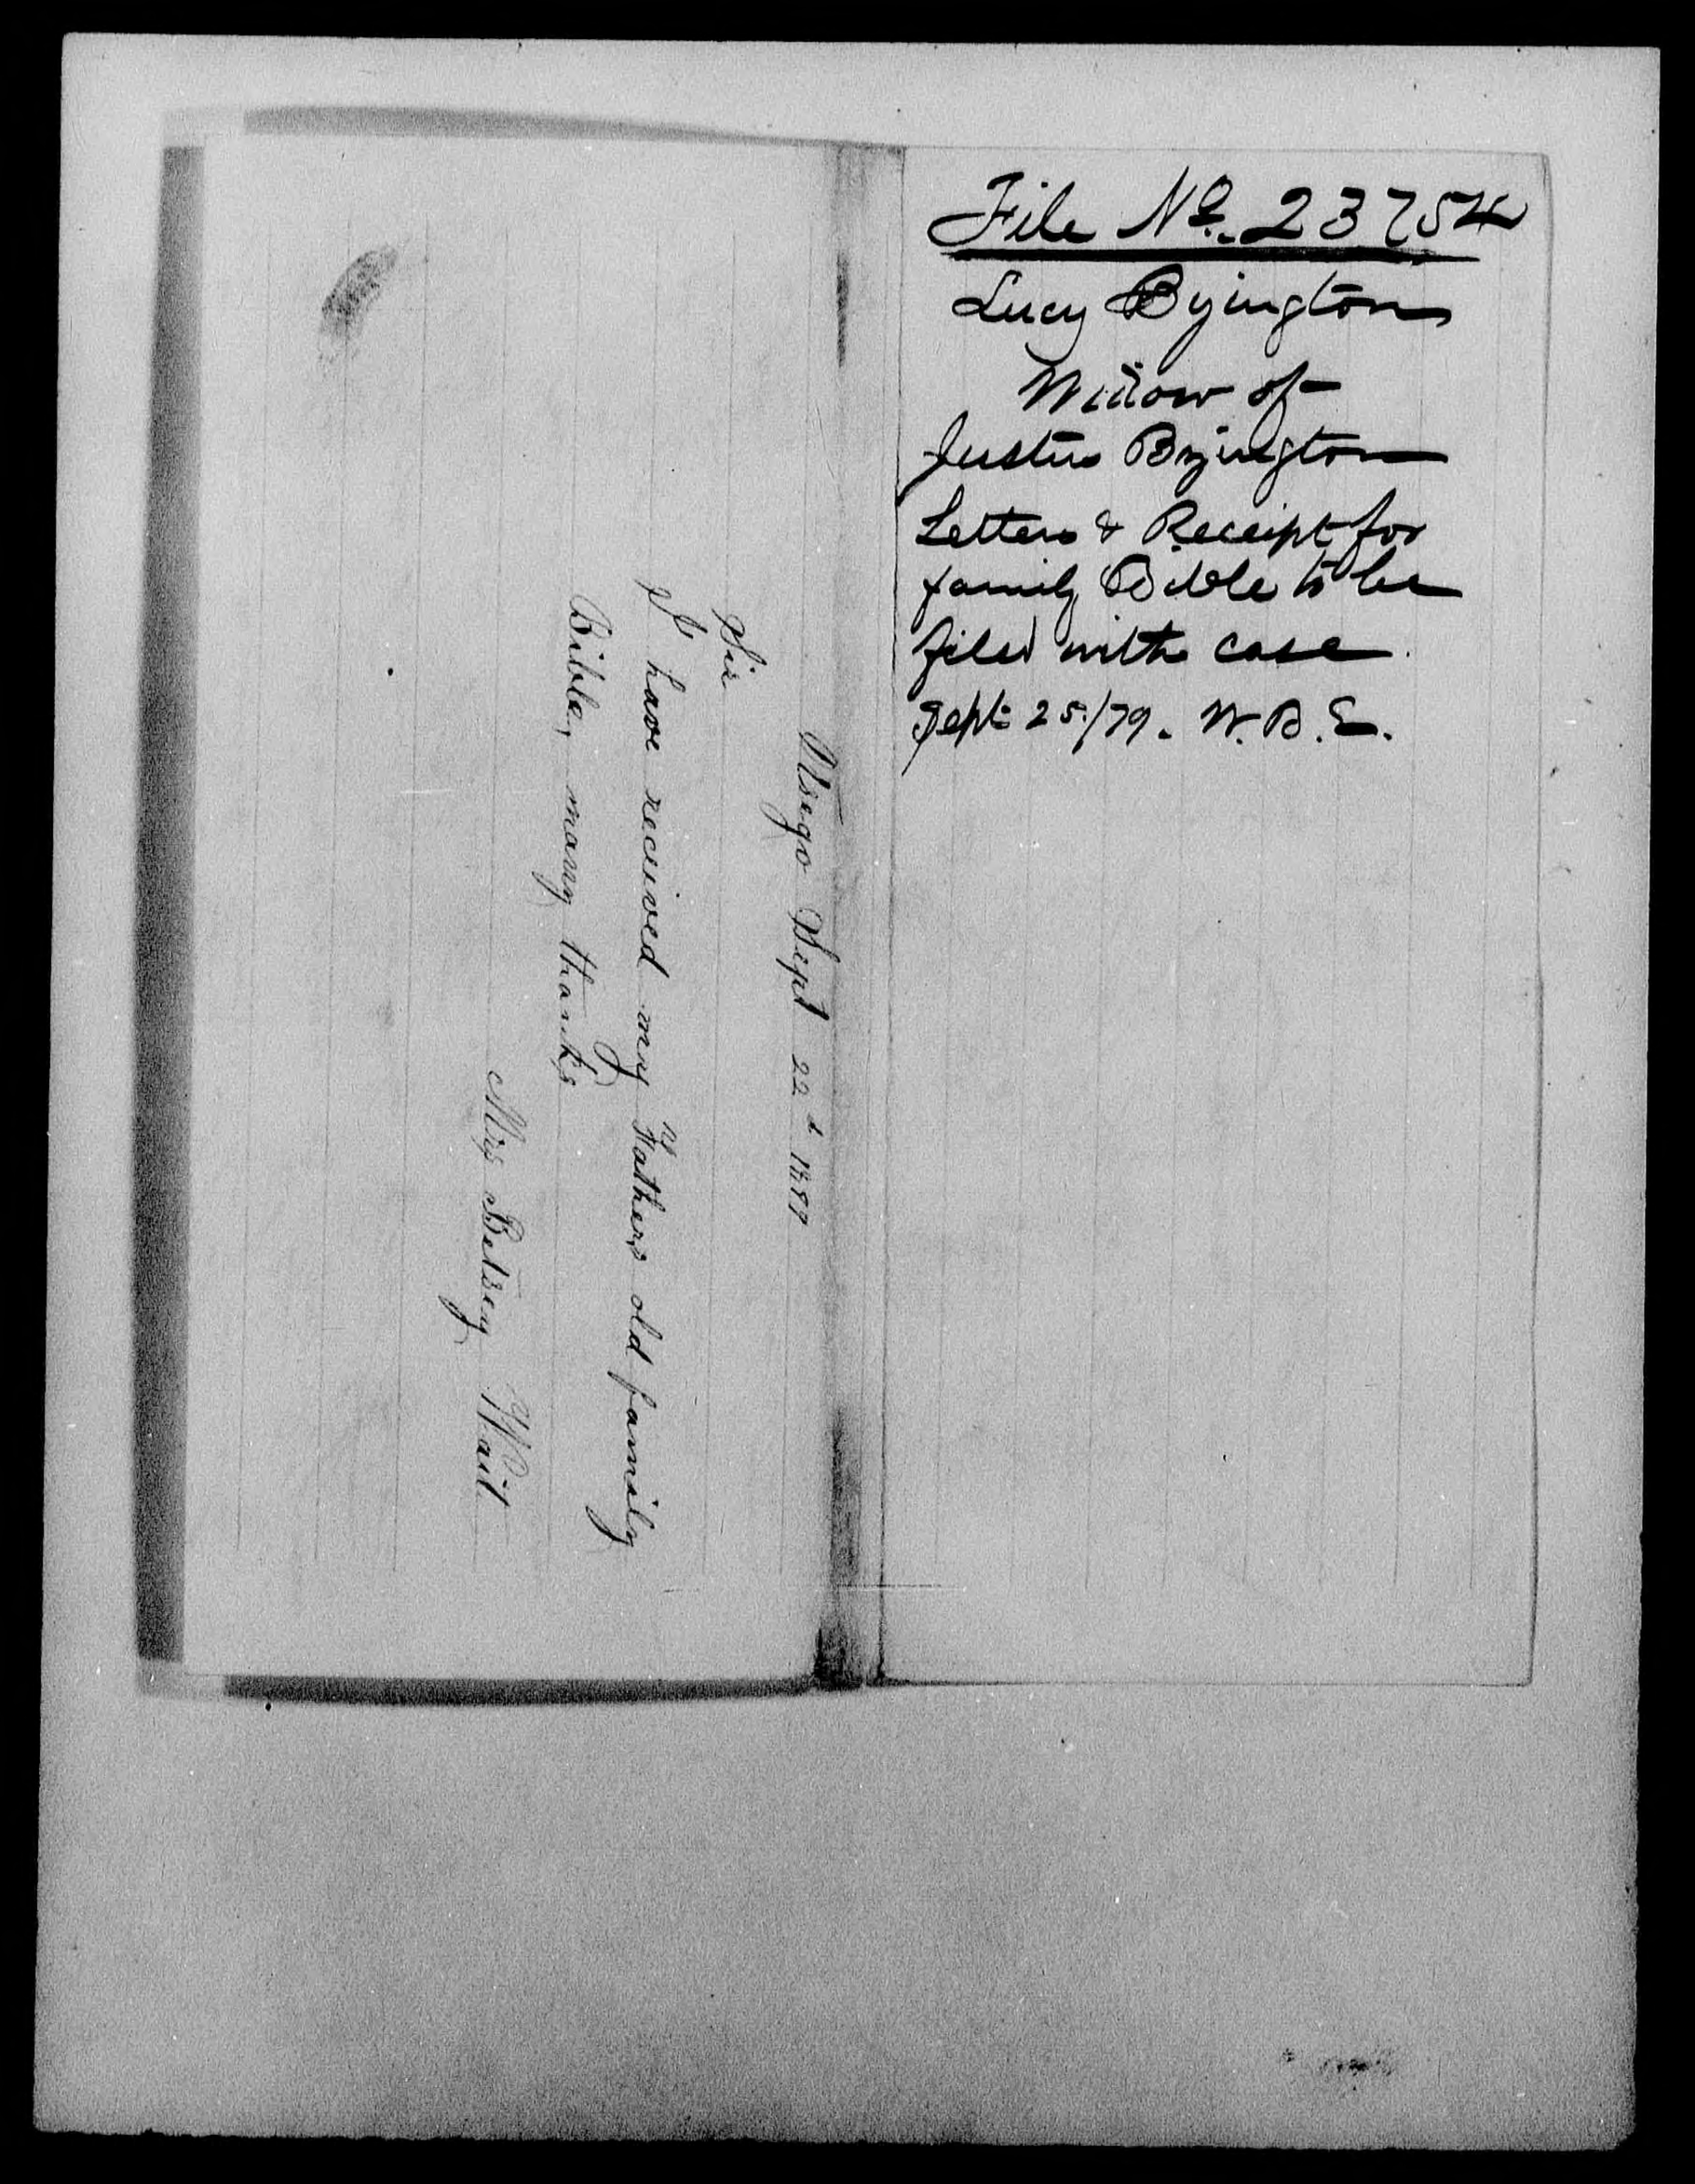file No. 23754
Lucy Byington
Widow of
Justus Byington
Letters & Receipt for
family Bible to her
filled with case
Sept 25/79 W.B.E.

opposing page

Otsego Sept 22d 1899
Sir
I have received my Gather's old family Bible, many thanks
Mrs Betsey Wait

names: Justus Byington, Lucy Byington, Betsey Wait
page: 29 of 79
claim: widow's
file: W. 23754, Justus Byington, Conn.